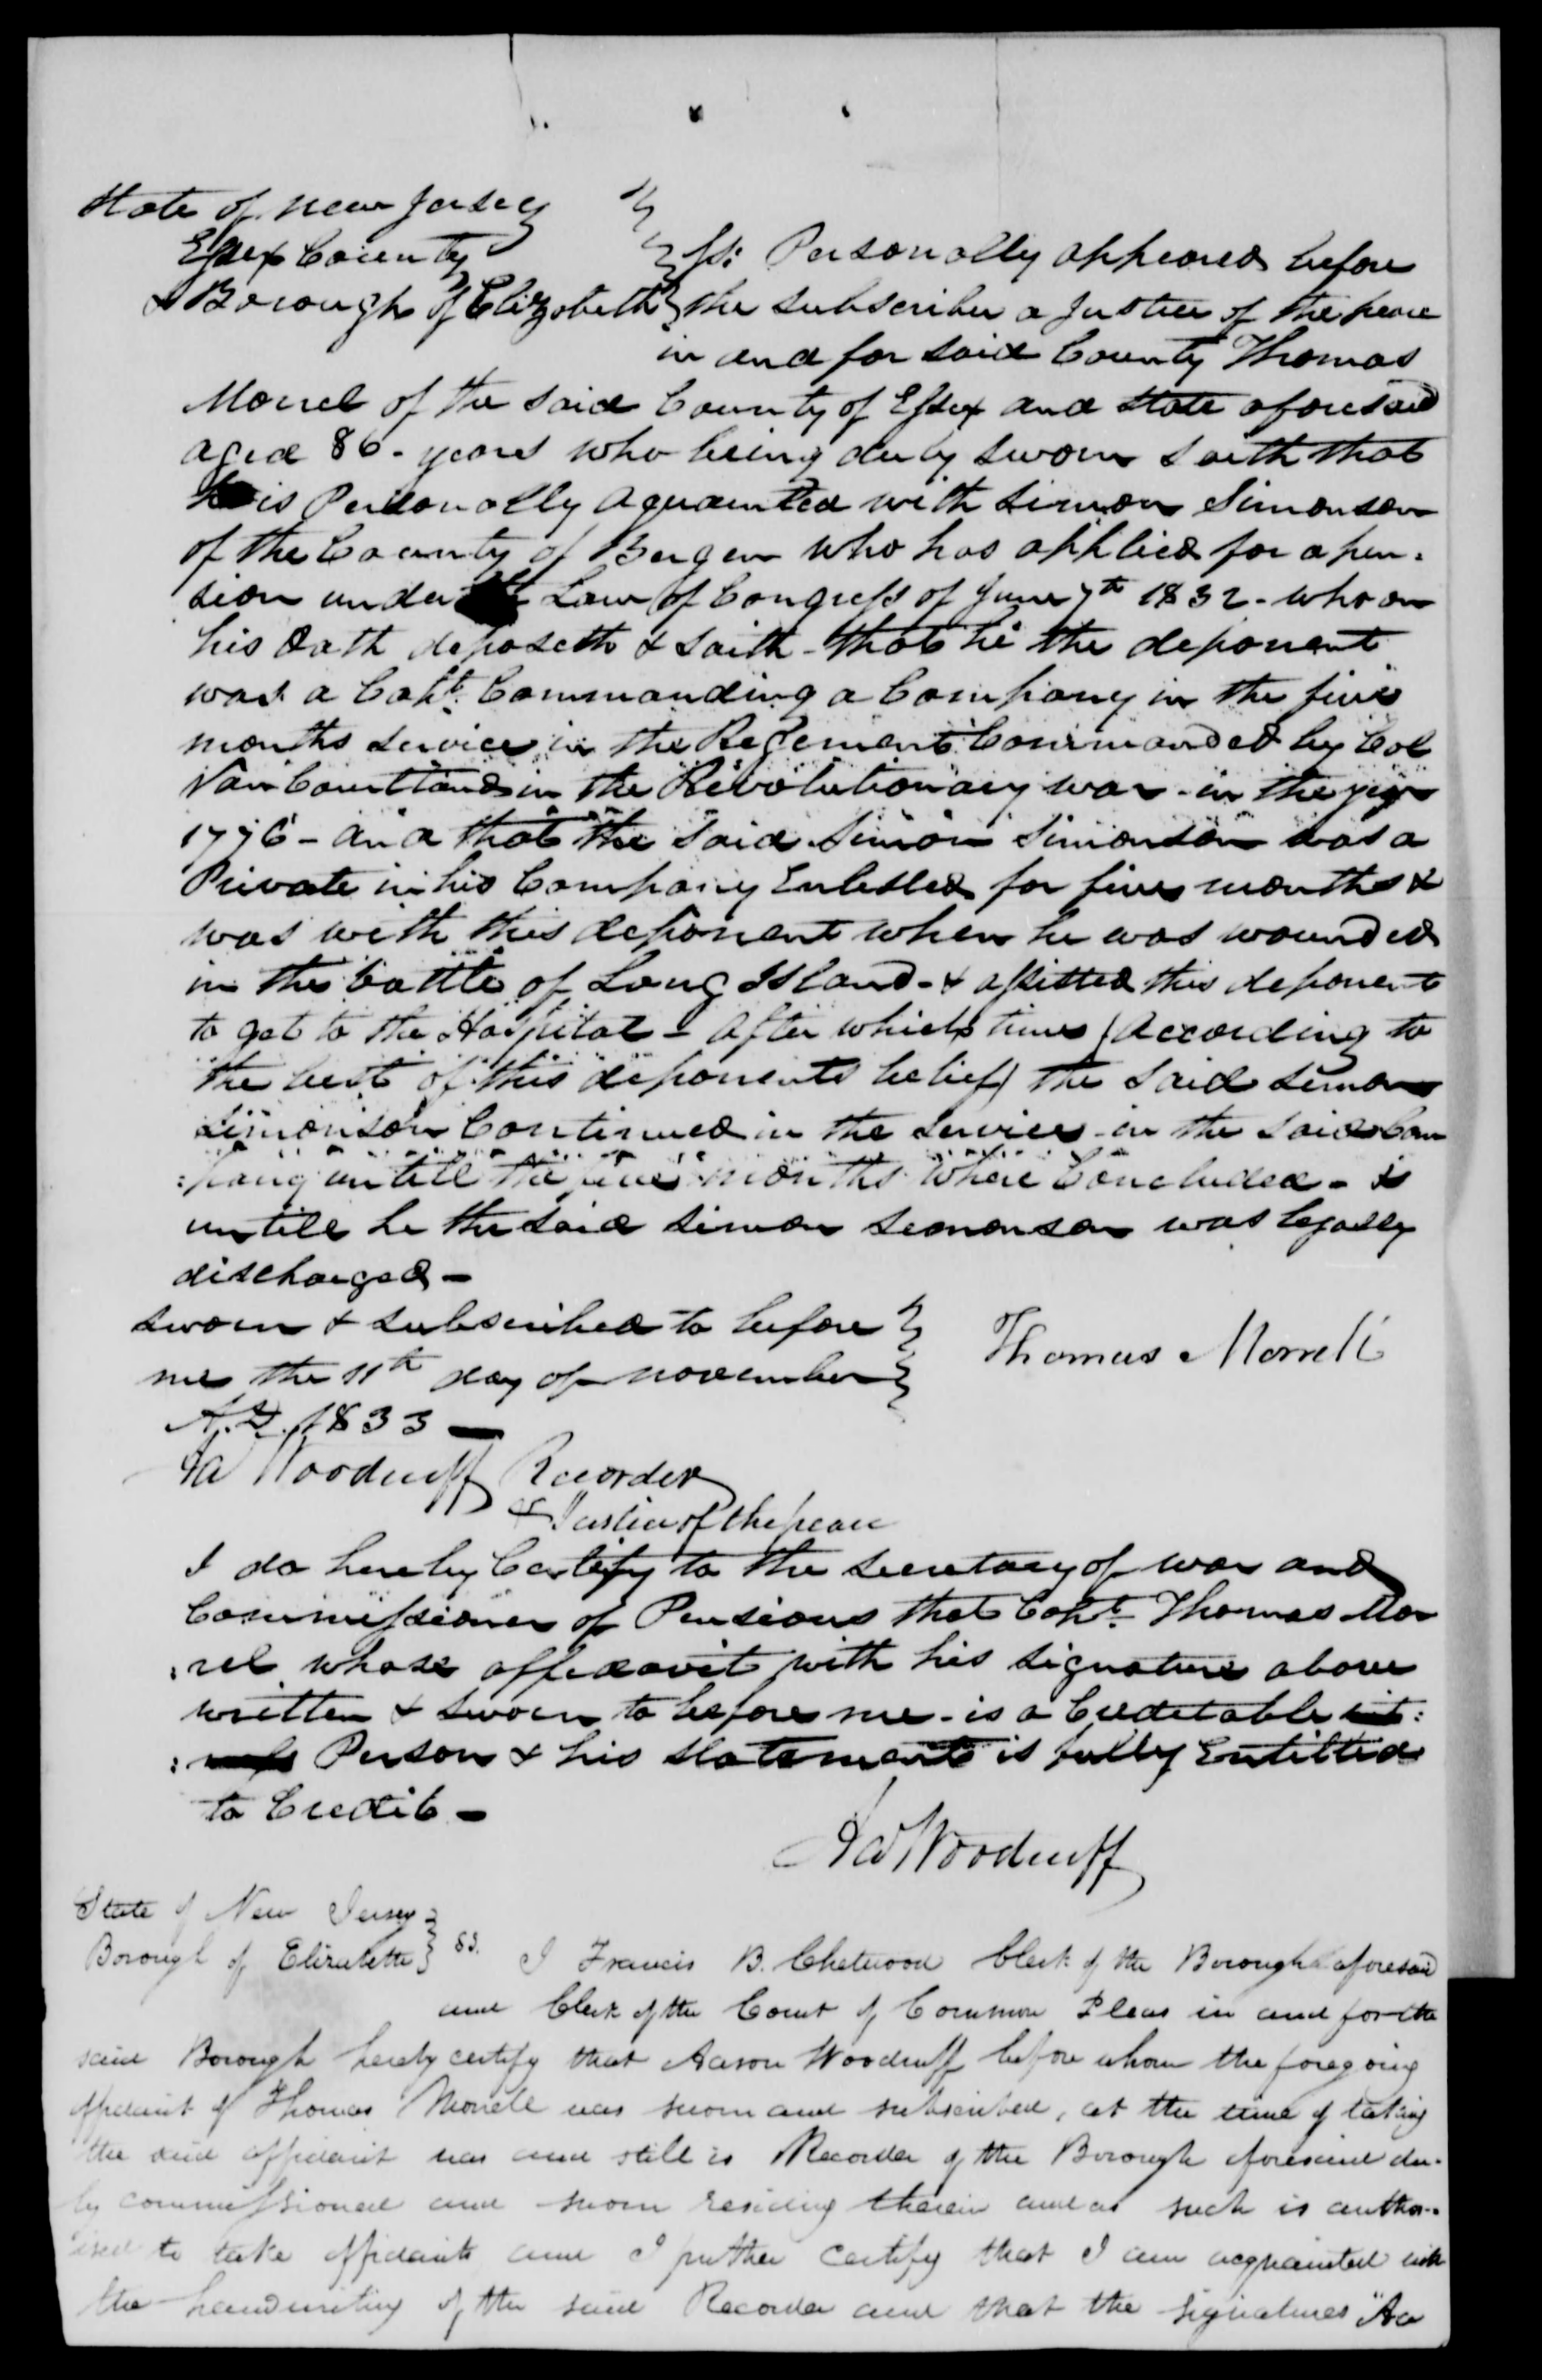State of New Jersey
Essex County
Borough of Elizabeth } ss: Personally appeared before the subscriber a Justice of the peace
in and for said County Thomas Morrel of the said County of Essex and State aforesaid aged 86 years who being duly sworn saith that he is Personally a[c]quainted with Simon Simonson
of the County of Bergen who has applied for a pension under Law of Congress of June 7th 1832, who on his oath deposeth & saith that he the deponent was a Capt Commanding a company in the five months service in the Regiment commanded by Col Van Courtland in the Revolutionary war in the year 1776- and that the said Simon Simonson as a Private in his Company enlisted for five months & was with this deponent when he was wounded in the battle of Long Island & assisted this deponent
to get to the Hospital. After which time according to the best of this deponent belief the said Simon Simonson continued in the service in the said company untill the five months were concluded- untill he the said Simon Simonson was legally discharged-
Thomas Morrell

Sworn & subscribed to before
me the 11th day of November
A.D. 1833-
A Woodnuff Recorder
& Justice of the peace

I do hereby certify to the Secretary of war and
Commissioner of Pensions that Capt Thomas Morrel whose affidavit with his signature above
written & sworn to before me is a creditable
Person & his statement is fully entitled to credit-
A Woodruff

State of New Jersey
Borough of Elizabeth } SS. I Francis B. Chetwood Clerk of the Borough aforesaid
and Clerk of the Court of Common Pleas in and for the said Borough hereby certify that Aaron Woodruff before whom the foregoing affidavit of Thomas Morell was sworn and subscribed, at the time of taking the said affidavit was and still is Recorder of the Borough aforesaid duly 
commissioned and sworn residing therein and as such is authorized to take affidavits and I further certify that I am acquainted with the handwriting of the said Recorder and that the signatures "Aa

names: Simon Simonson; [BLANK] Van Courtland; Thomas Morrell; Simon Simonson; Elizabeth [BLANK]; Thomas Morrell; Aa Woodruff; Simon Simonson; Aaron Woodruff; Thomas Morrel; Simon Simonson; Thomas Morrel; Francis B Chetwood; Aa Woodruff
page: 29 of 30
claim: survivor's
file: S. 1104, for Simon Simonson, New Jersey